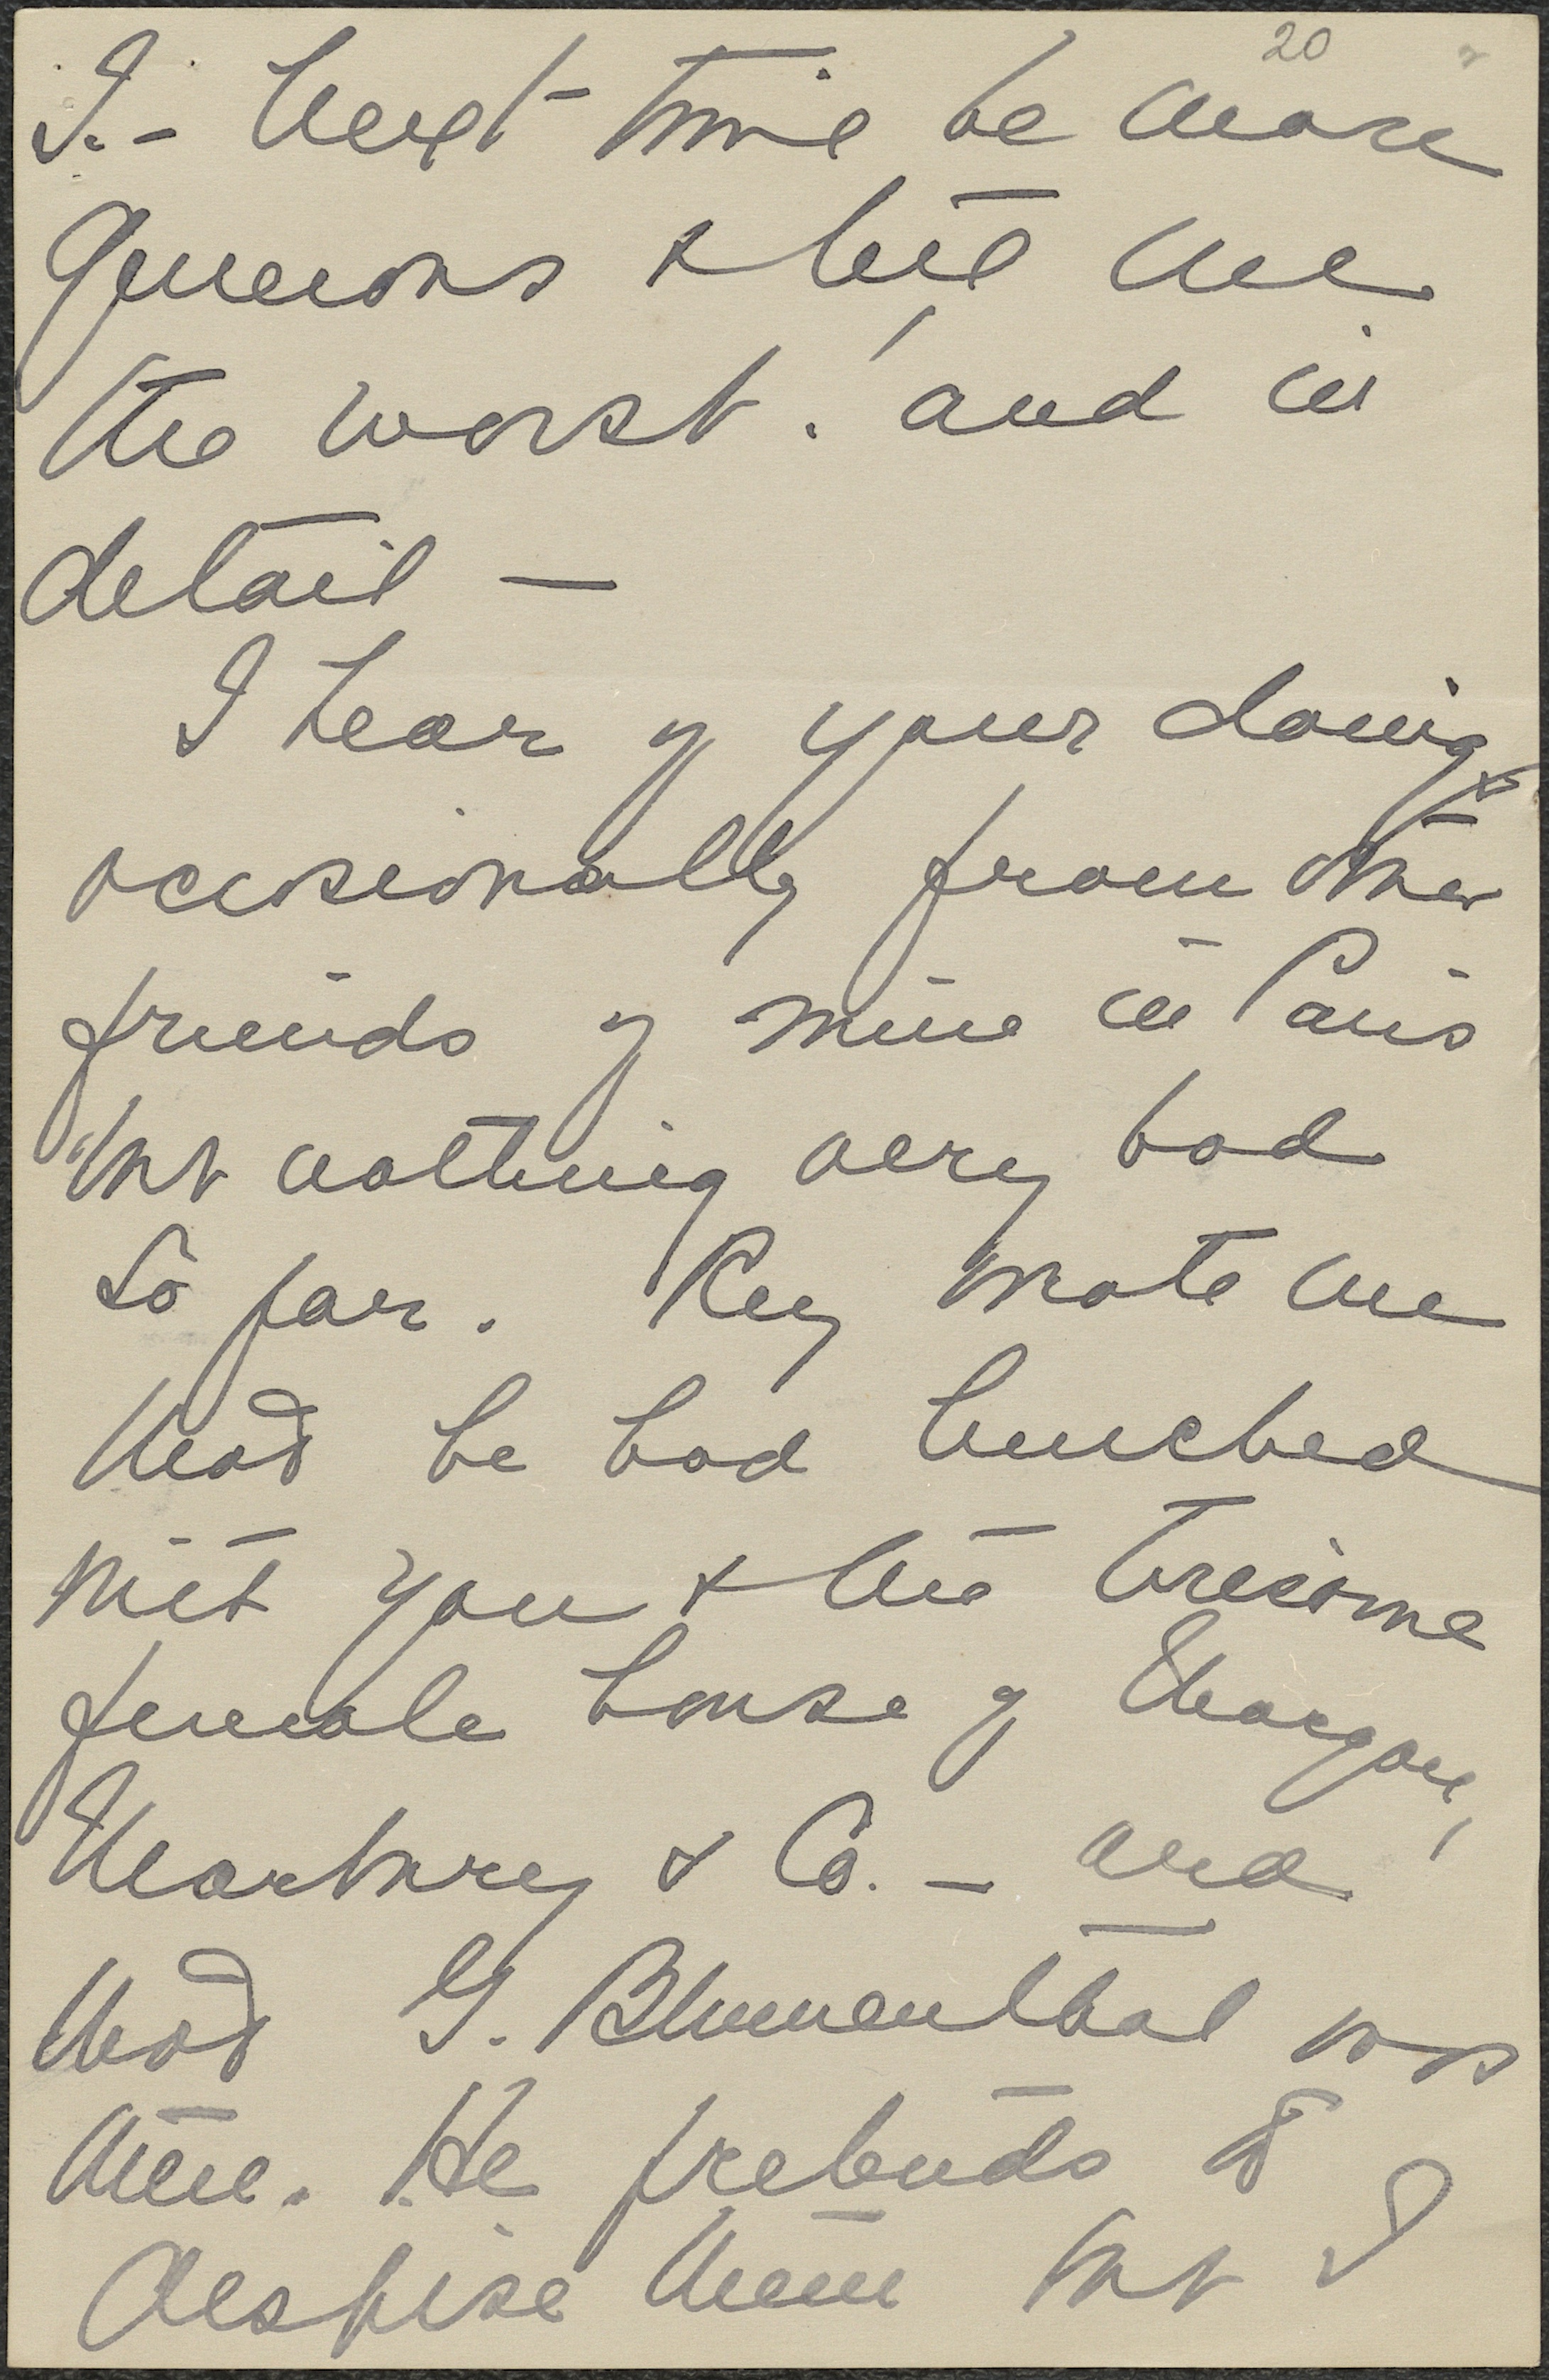I. – Next time be more generous & tell me the worst! and in detail –
I hear of your doing occasionally from other friends of mine in Paris but nothing very bad so far. Rey wrote me that he had lunched with you & the Tiresome female house of Morgan, Marbury & Co. – and that G. Blumenthal was there. He pretends to despise them but I